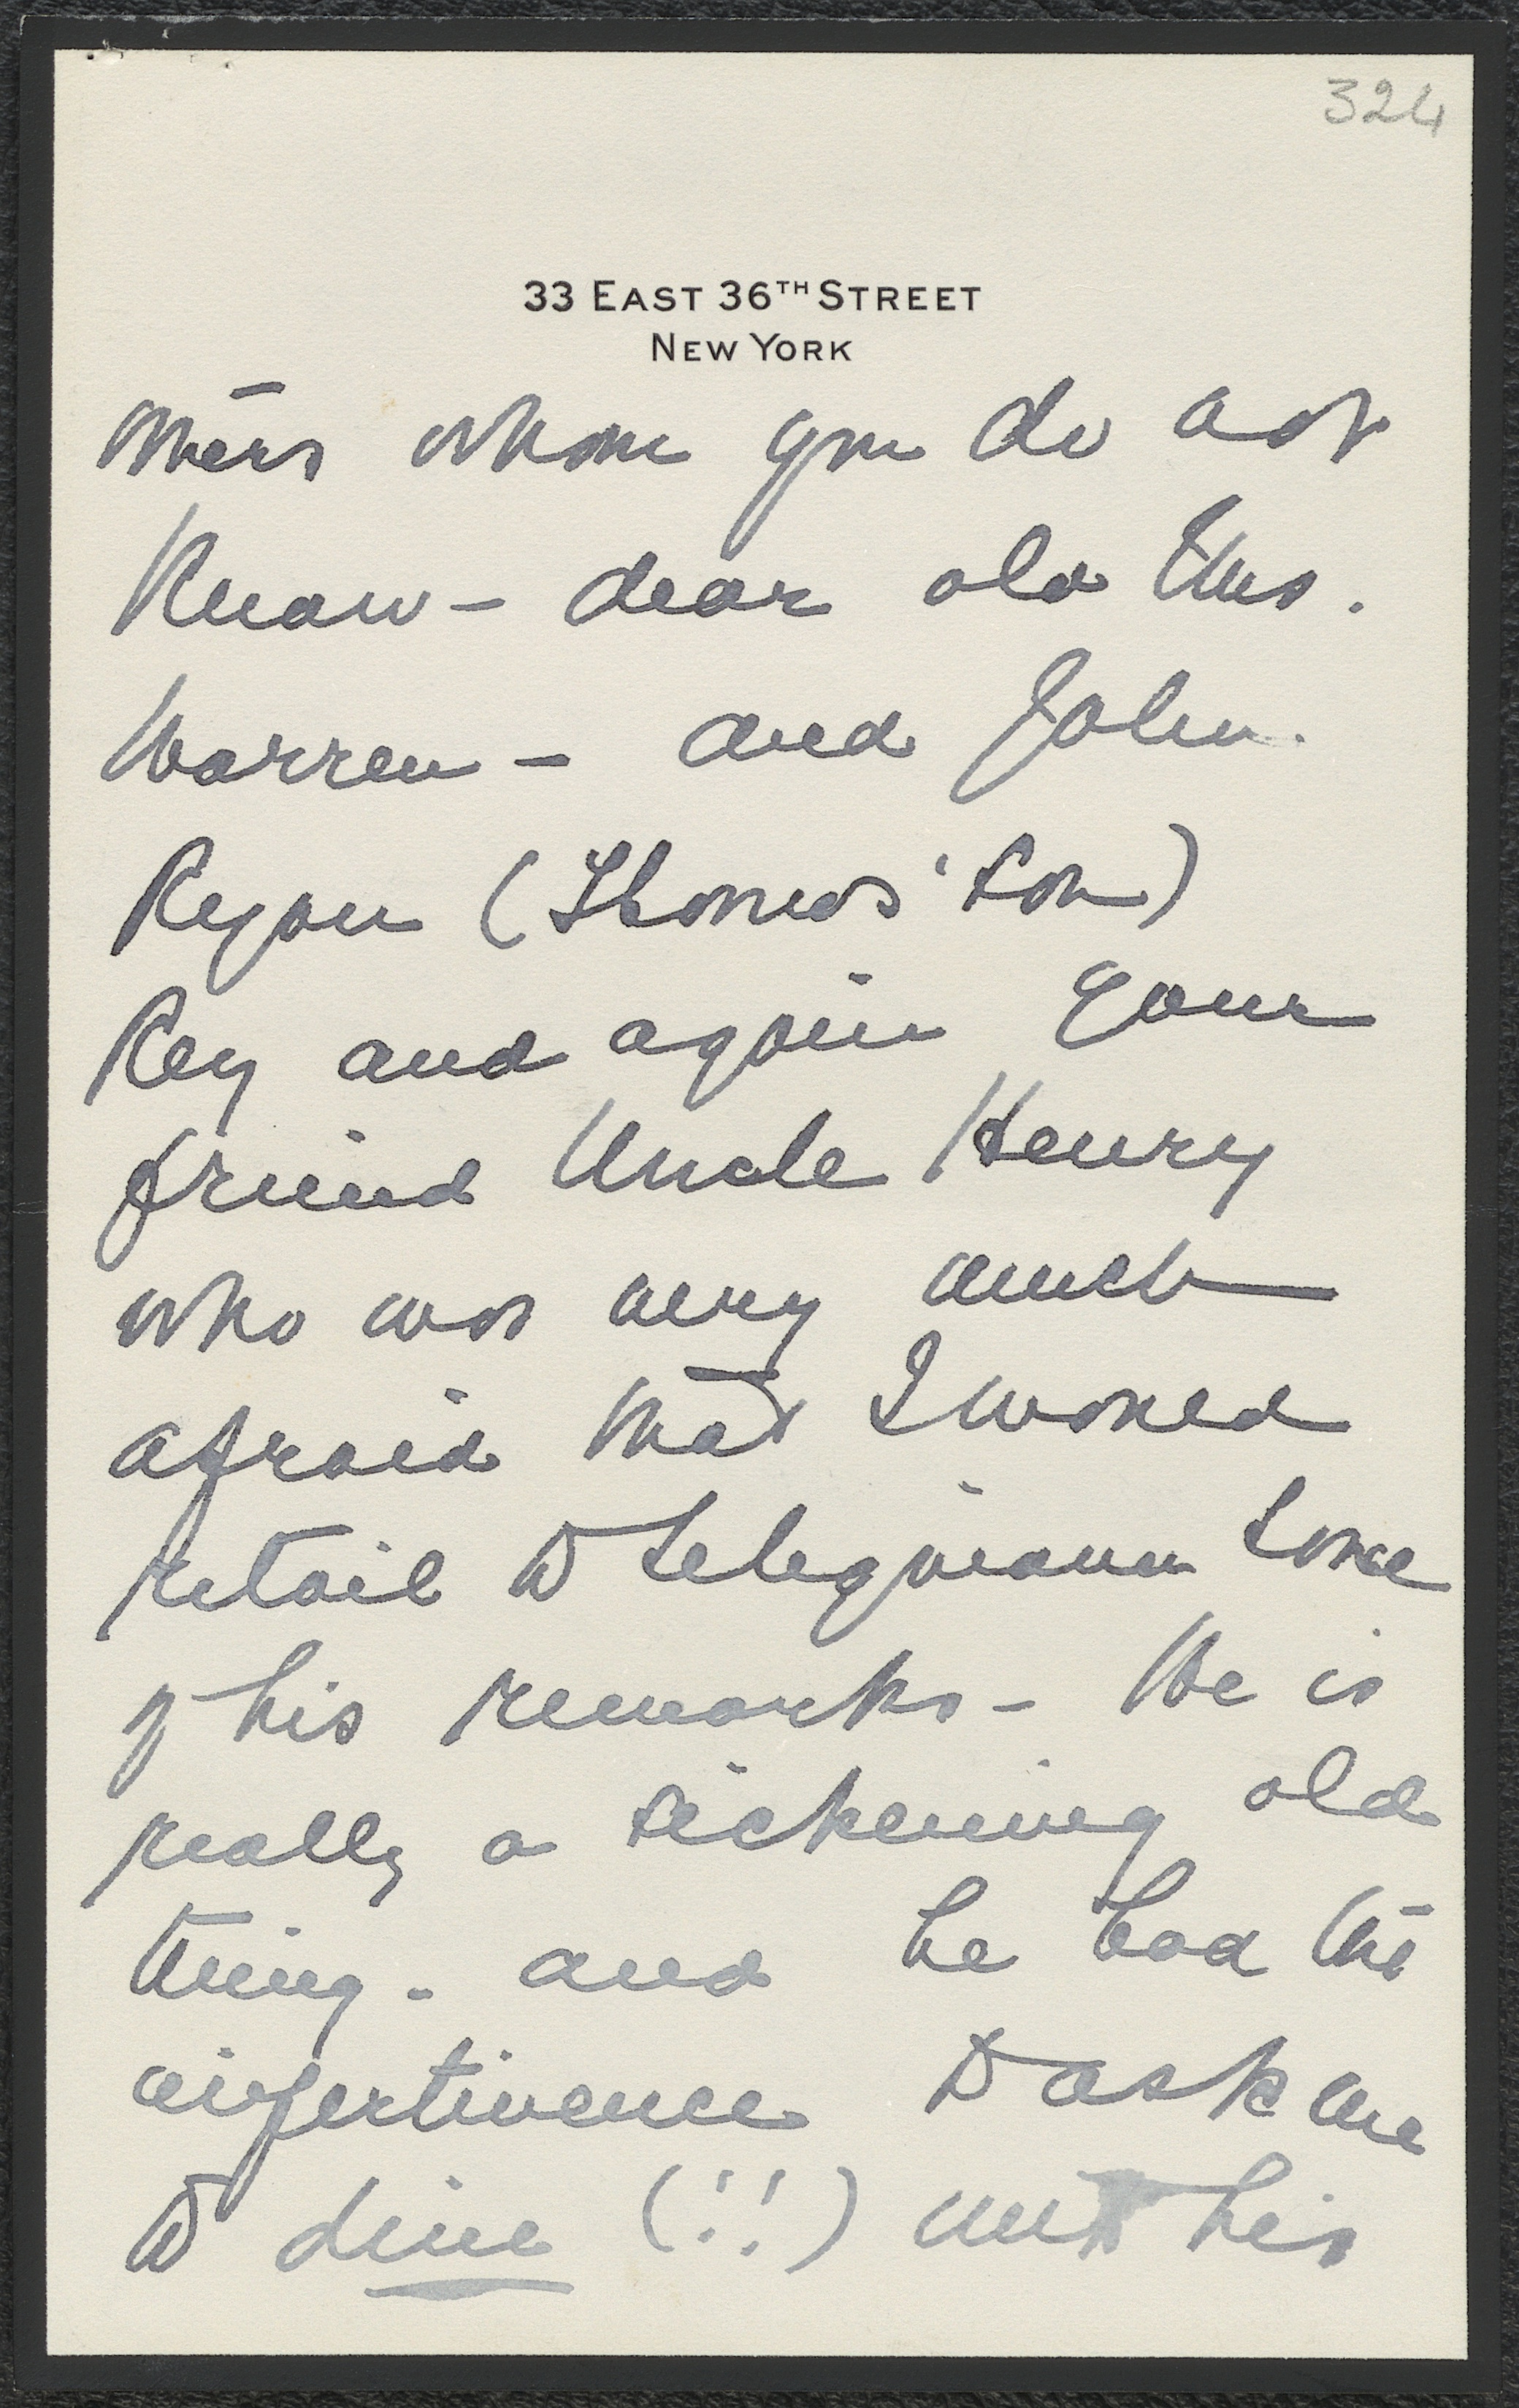others whom you do not know – dear old Mrs. Warren – and John Ryan (Thomas’ son) Rey and again your friend Uncle Henry who was very much afraid that I would retail to Seligmann some of his remarks – He is really a sickening old thing – and he had the impertinence to ask me to dine (!!) with his